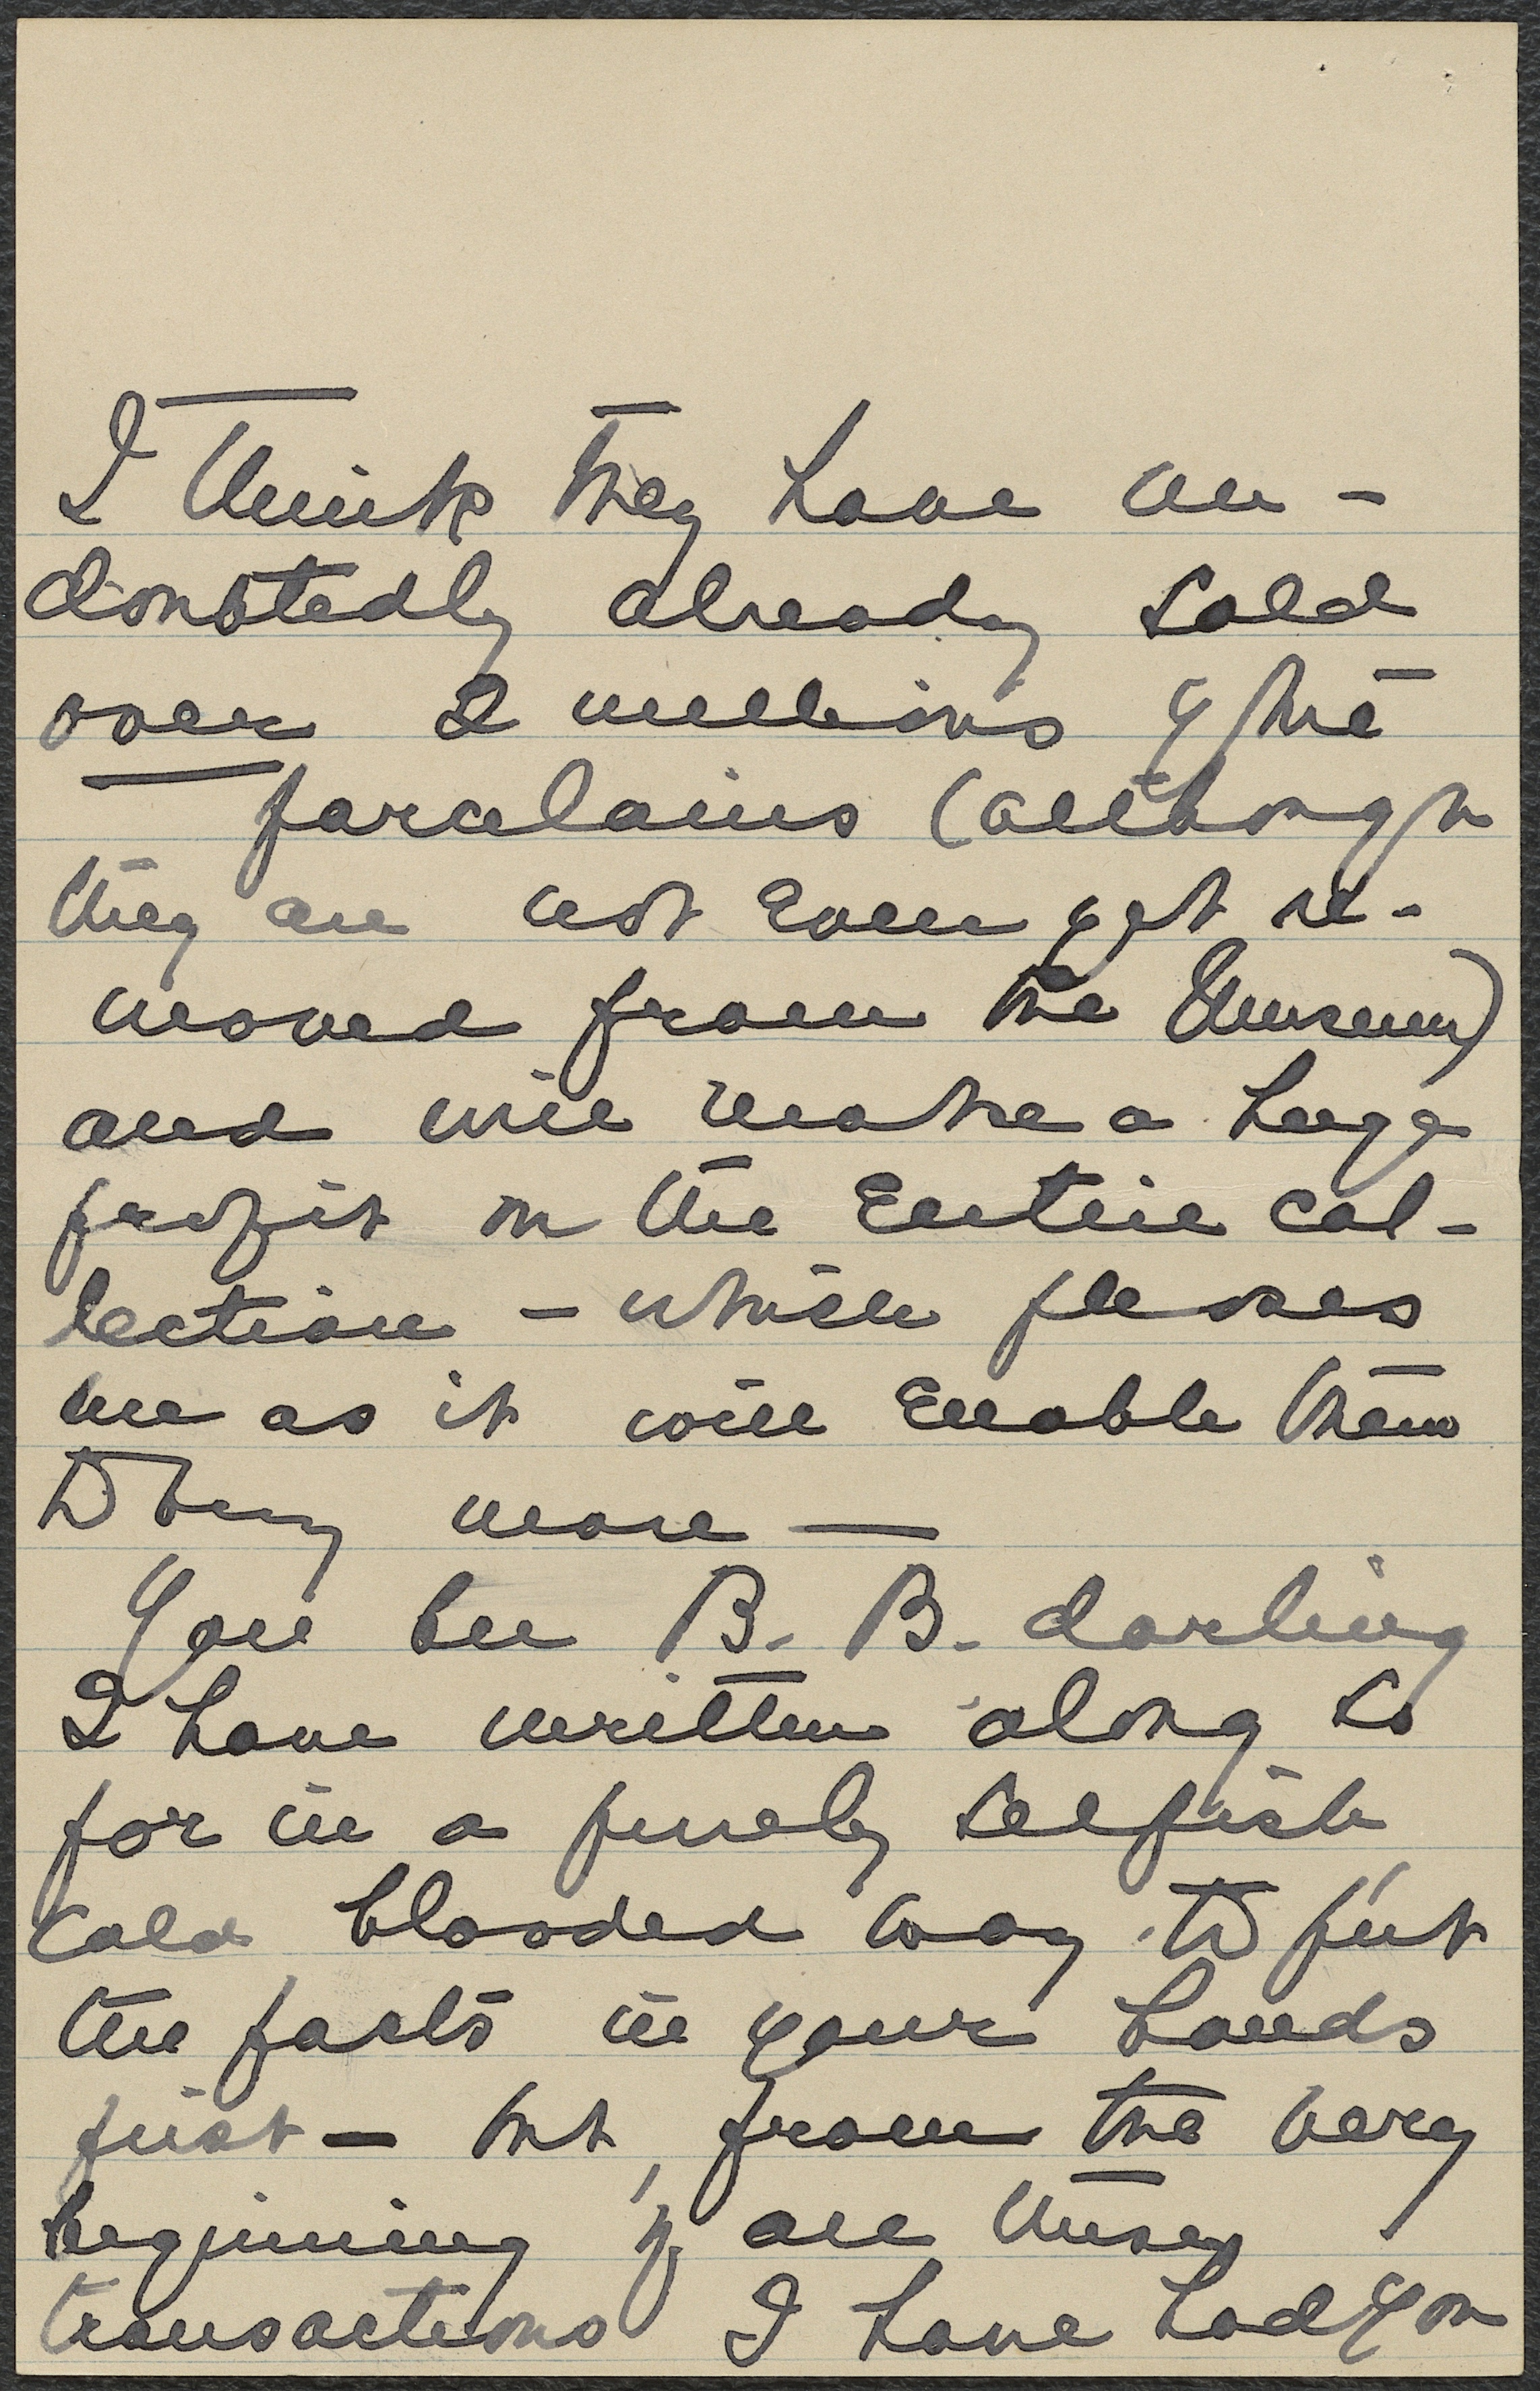I think they have undoubtedly already sold over 2 millions of the porcelains (although they are not even yet removed from the Museum) and will make a huge profit on the entire collection – which pleases me as it will enable them to buy more –
You see B. B. darling I have written along so far in a purely selfish cold blooded way to put the facts in your hands first – but, from the very beginning of all these transactions I have had you